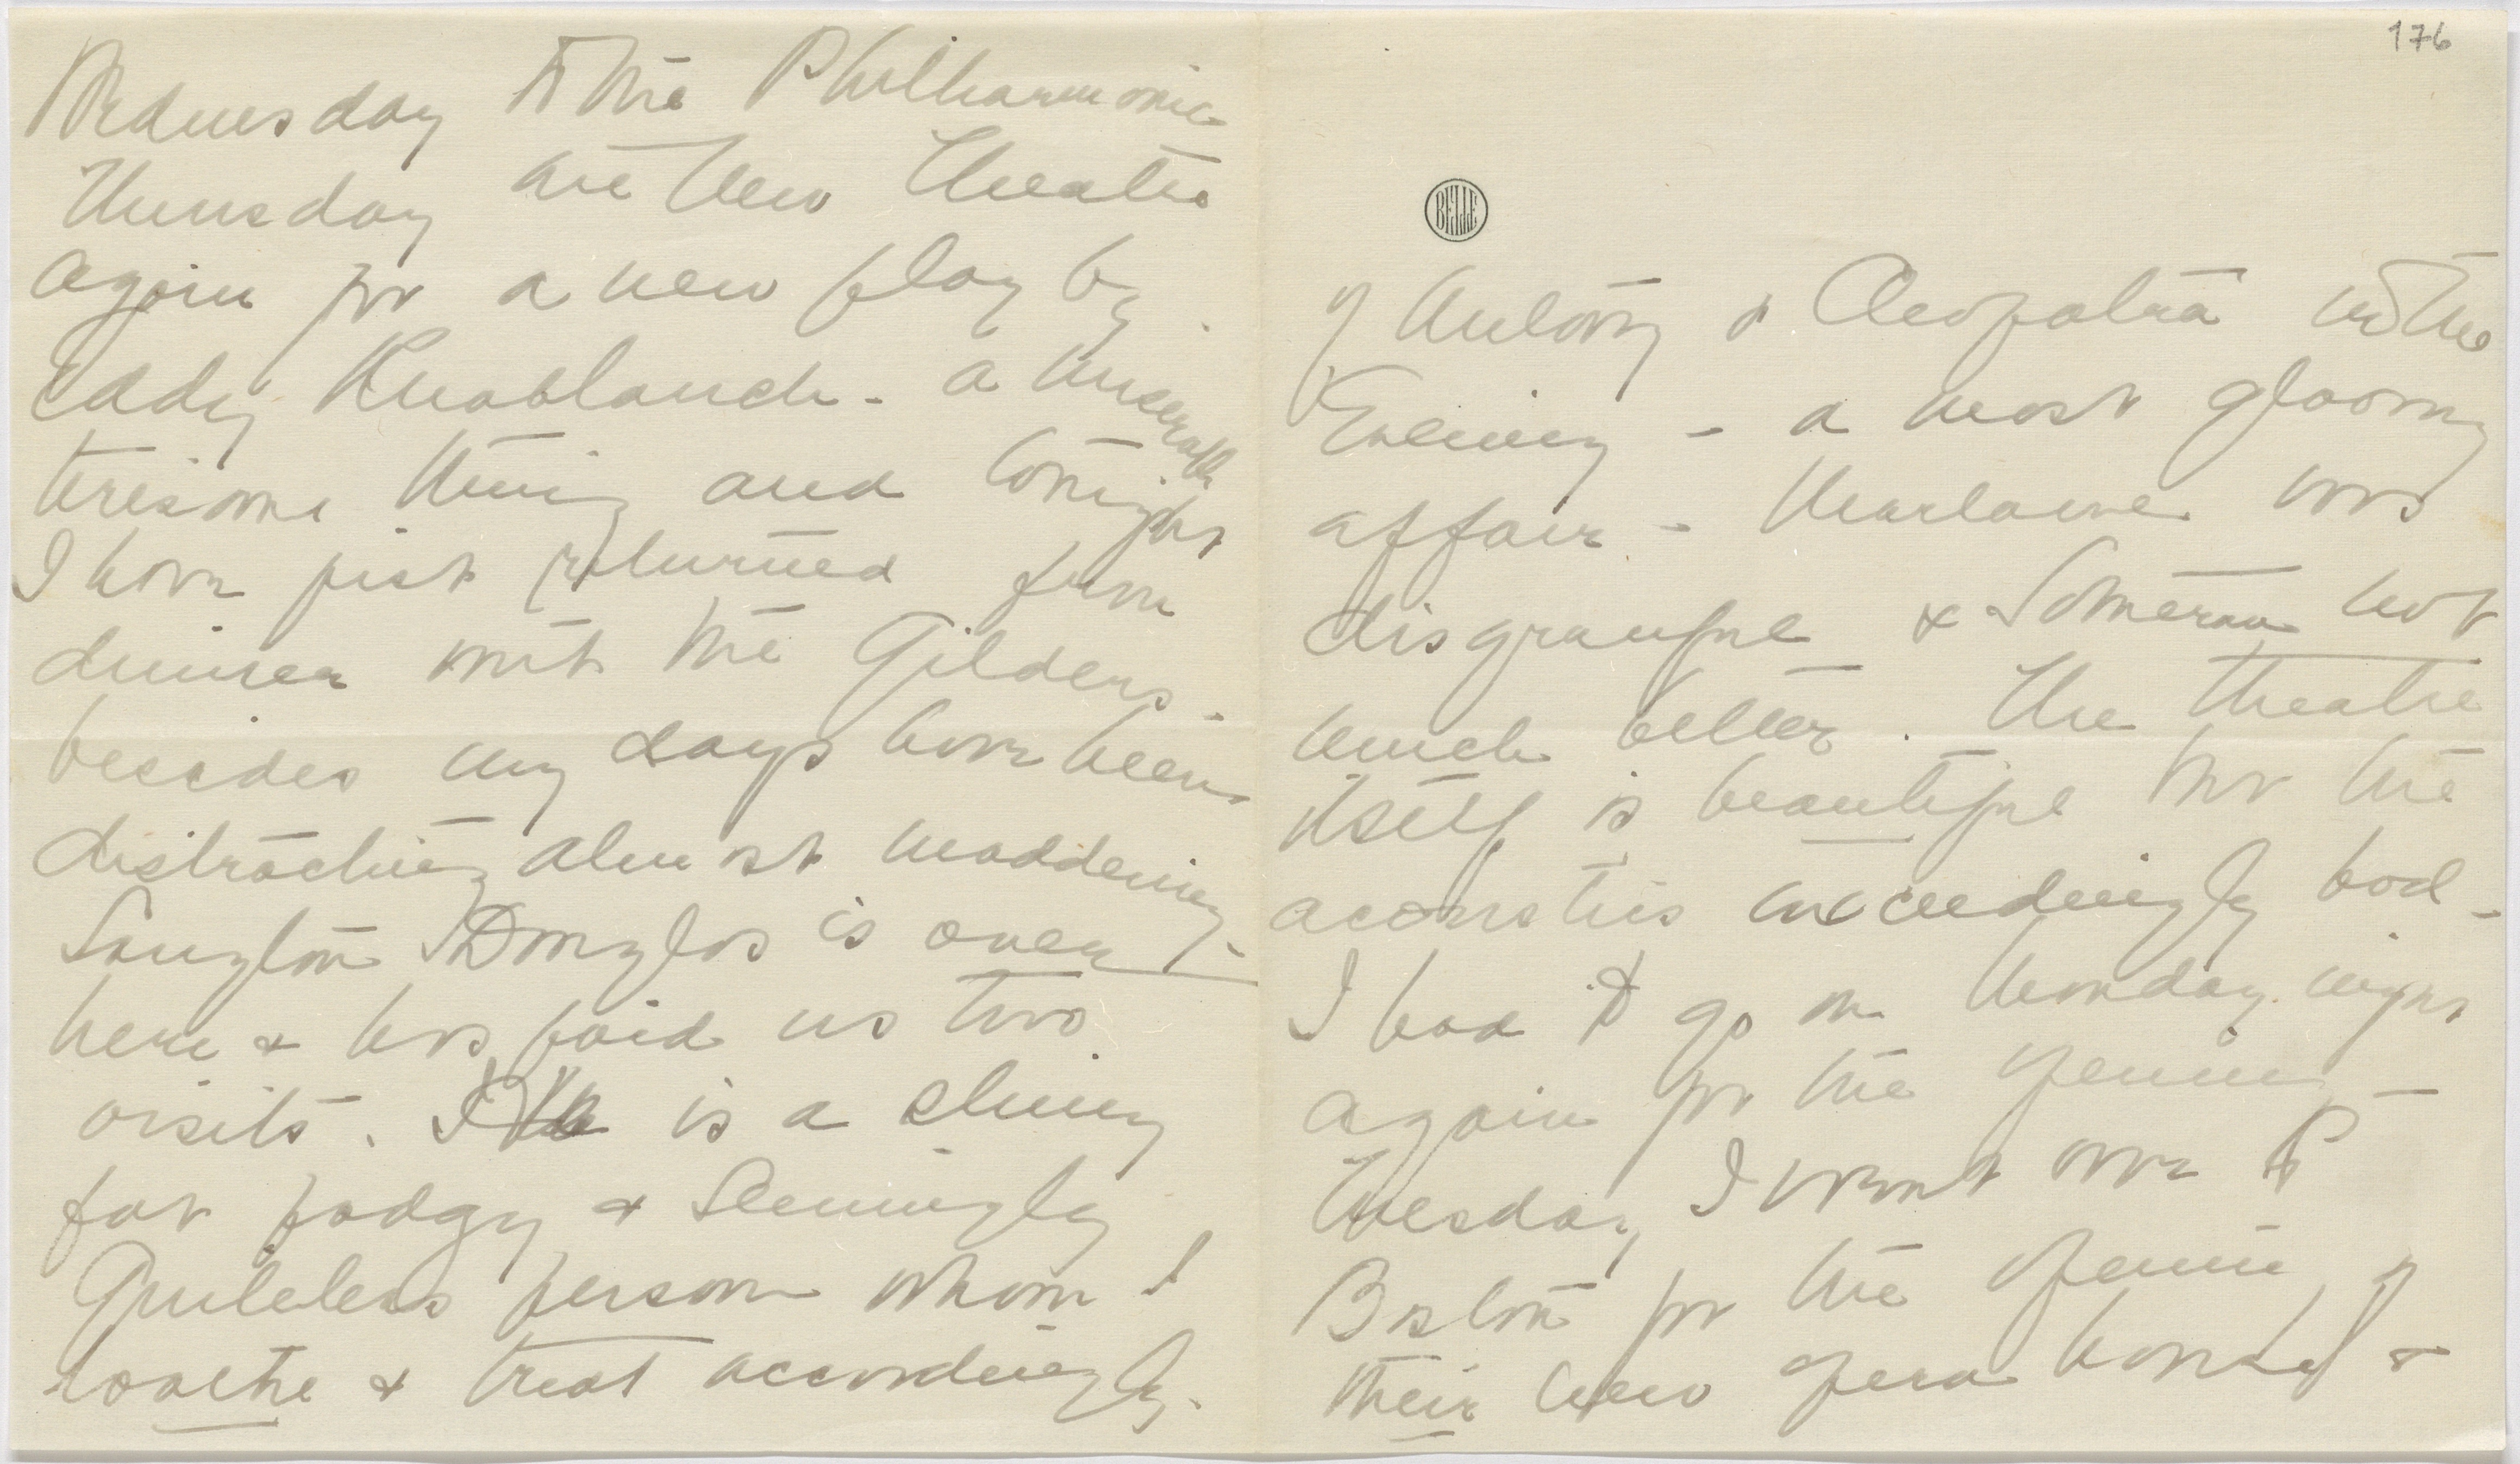of Antony & Cleopatra in the Evening – a most gloomy affair – Marlowe was disgraceful & Sotheran [sic] not much better. The theatre itself is beautiful but the acoustics exceedingly bad – I had to go on Monday night again for the opening – Tuesday I went over to Boston for the opening of their new opera house &
Wednesday to the Philharmonic
Thursday the New Theatre again for a new play by Eddy Knoblauch – a miserable tiresome thing and tonight I have just returned from dinner with the Gilders – besides my days have been distracting almost maddening – Langton Douglas is over here & has paid us two visits. He is a slimy fat podgy & seemingly guileless person whom I loathe & treat accordingly.